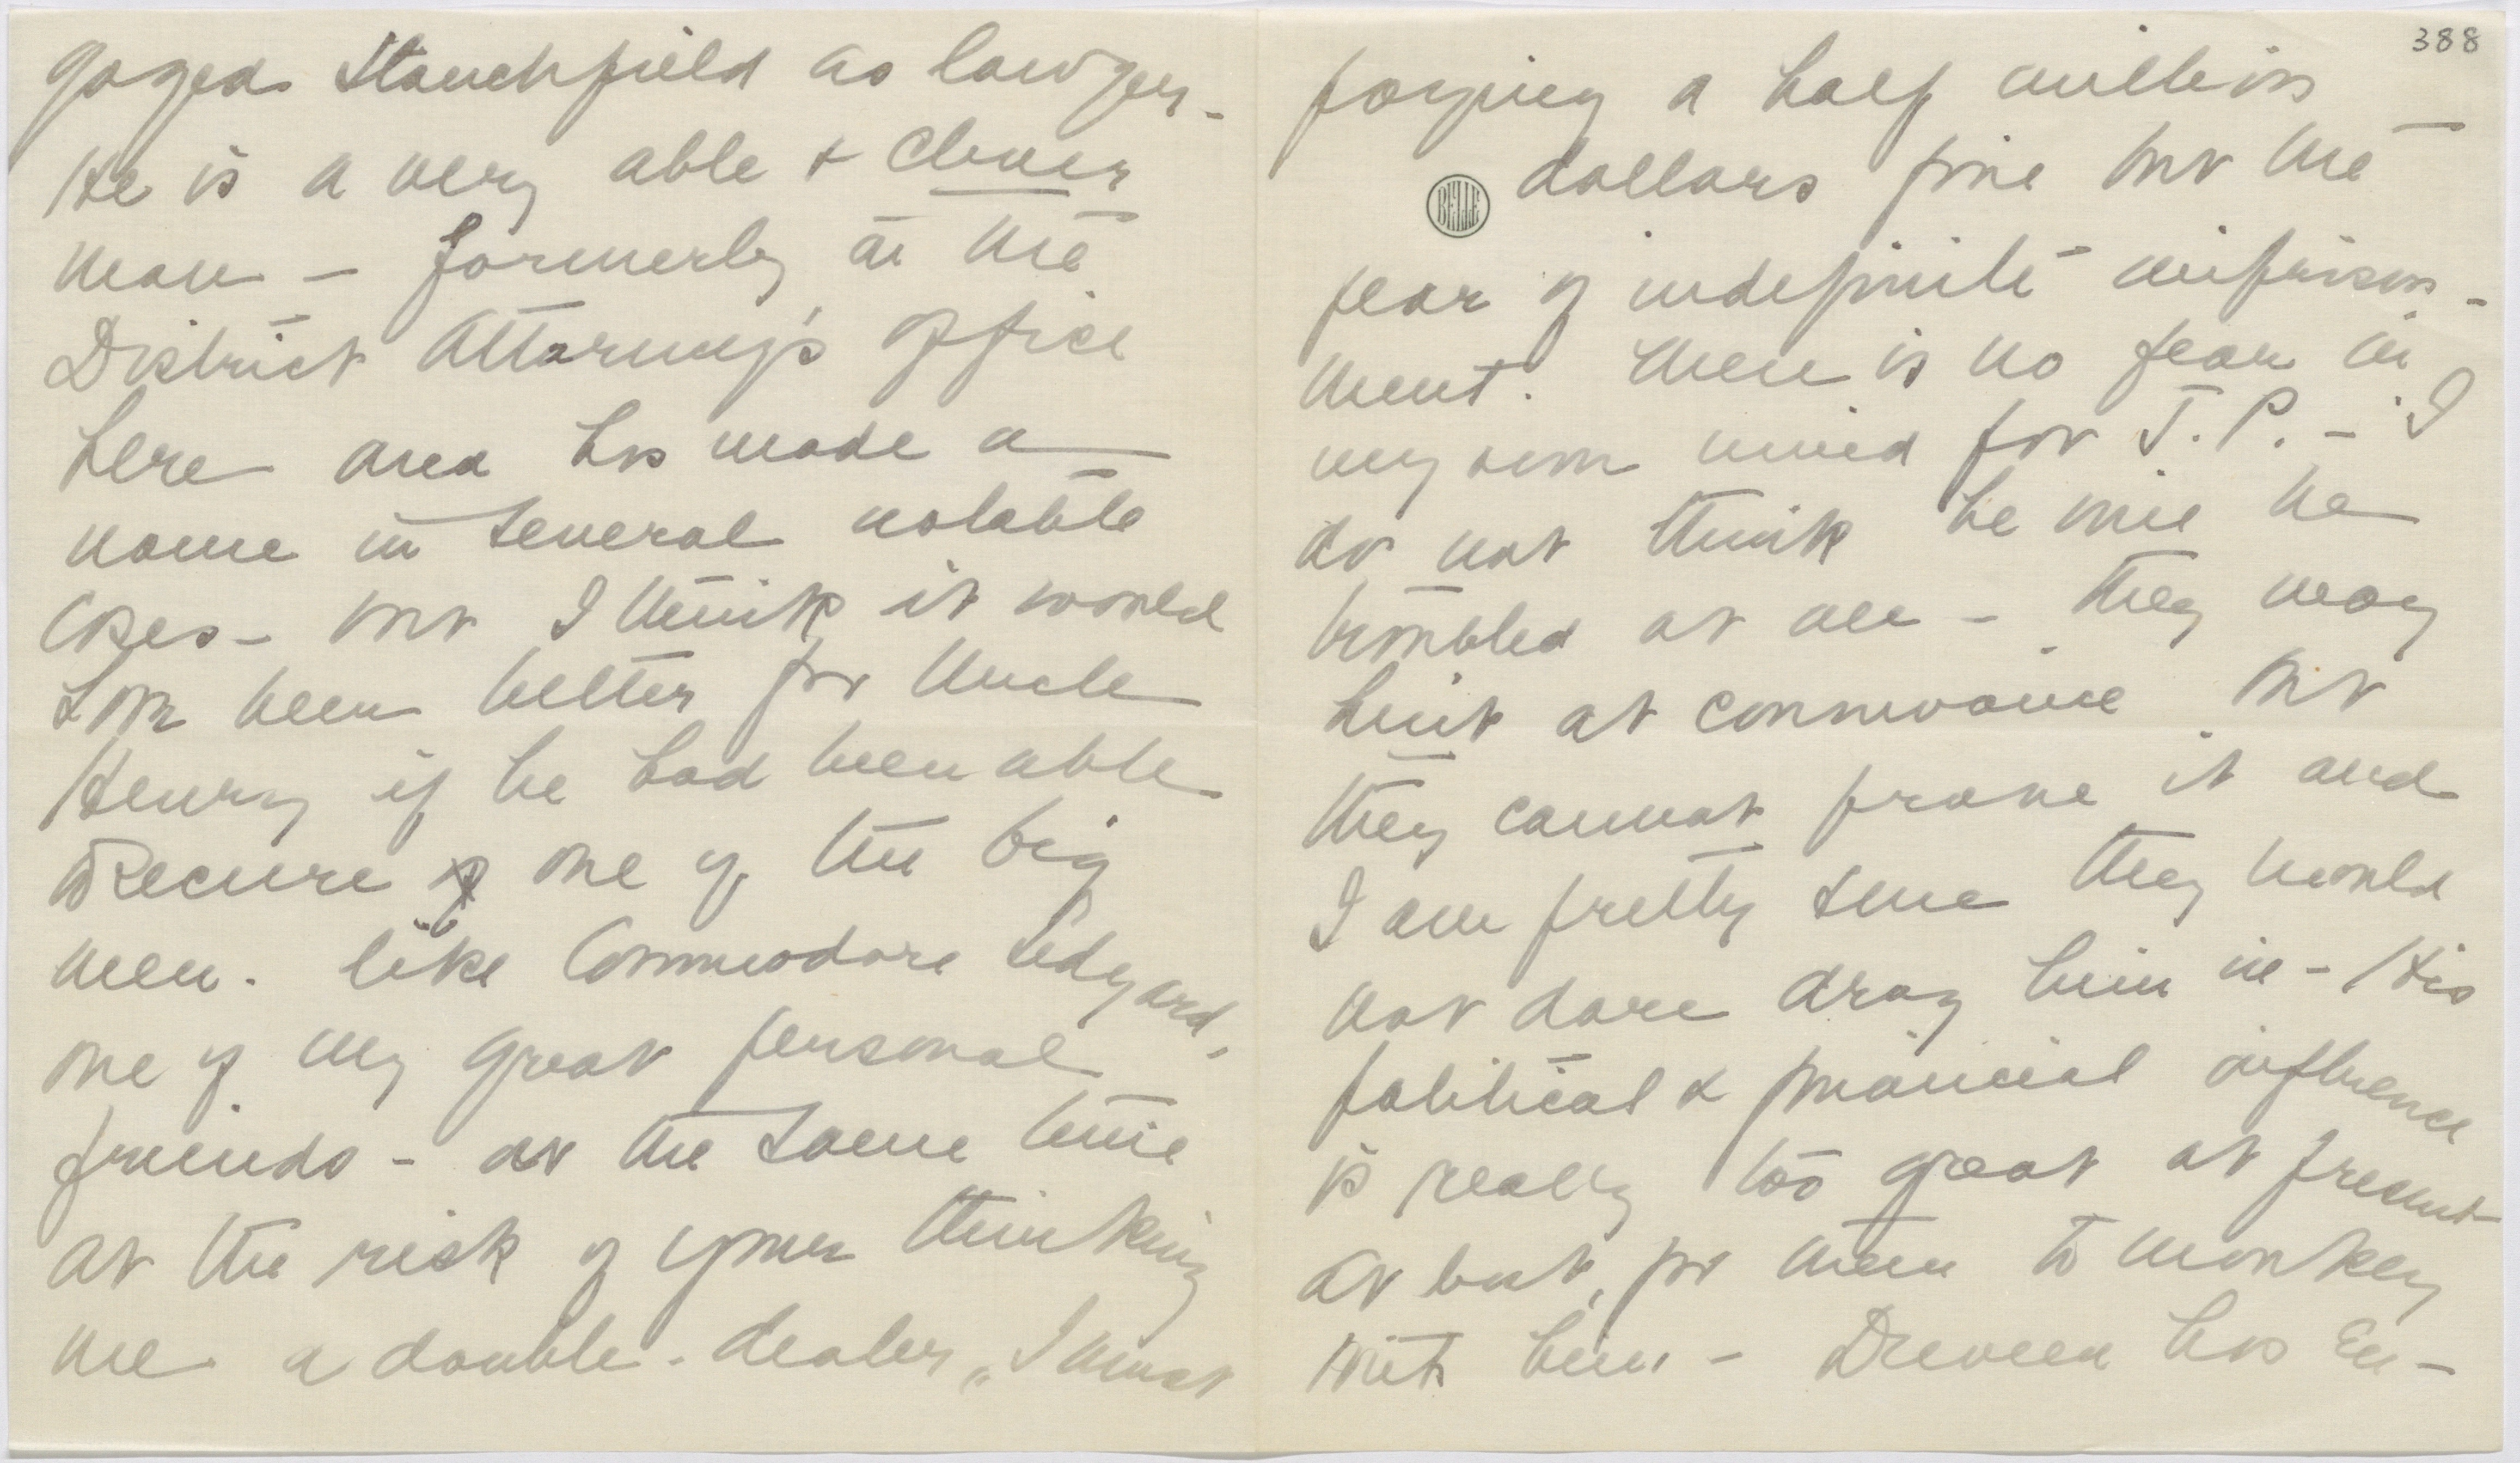paying a half million dollars fine but the fear of indefinite imprisonment. There is no fear in my own mind for J. P. – I do not think he will be troubled at all – They may hint at connivance but they cannot prove it and I am pretty sure they would not dare drag him in – His political & financial influence is really too great at present at least for them to monkey with him – Duveen has engaged
Stanchfield as lawyer – He is a very able & clever man – formerly at the District Attorney’s office here and has made a name in several notable cases – but I think it would have been better for Uncle Henry if he had been able to secure of one of the big men. like Commodore Ledyard, one of my great personal friends – at the same time at the risk of your thinking me a double-dealer, I must